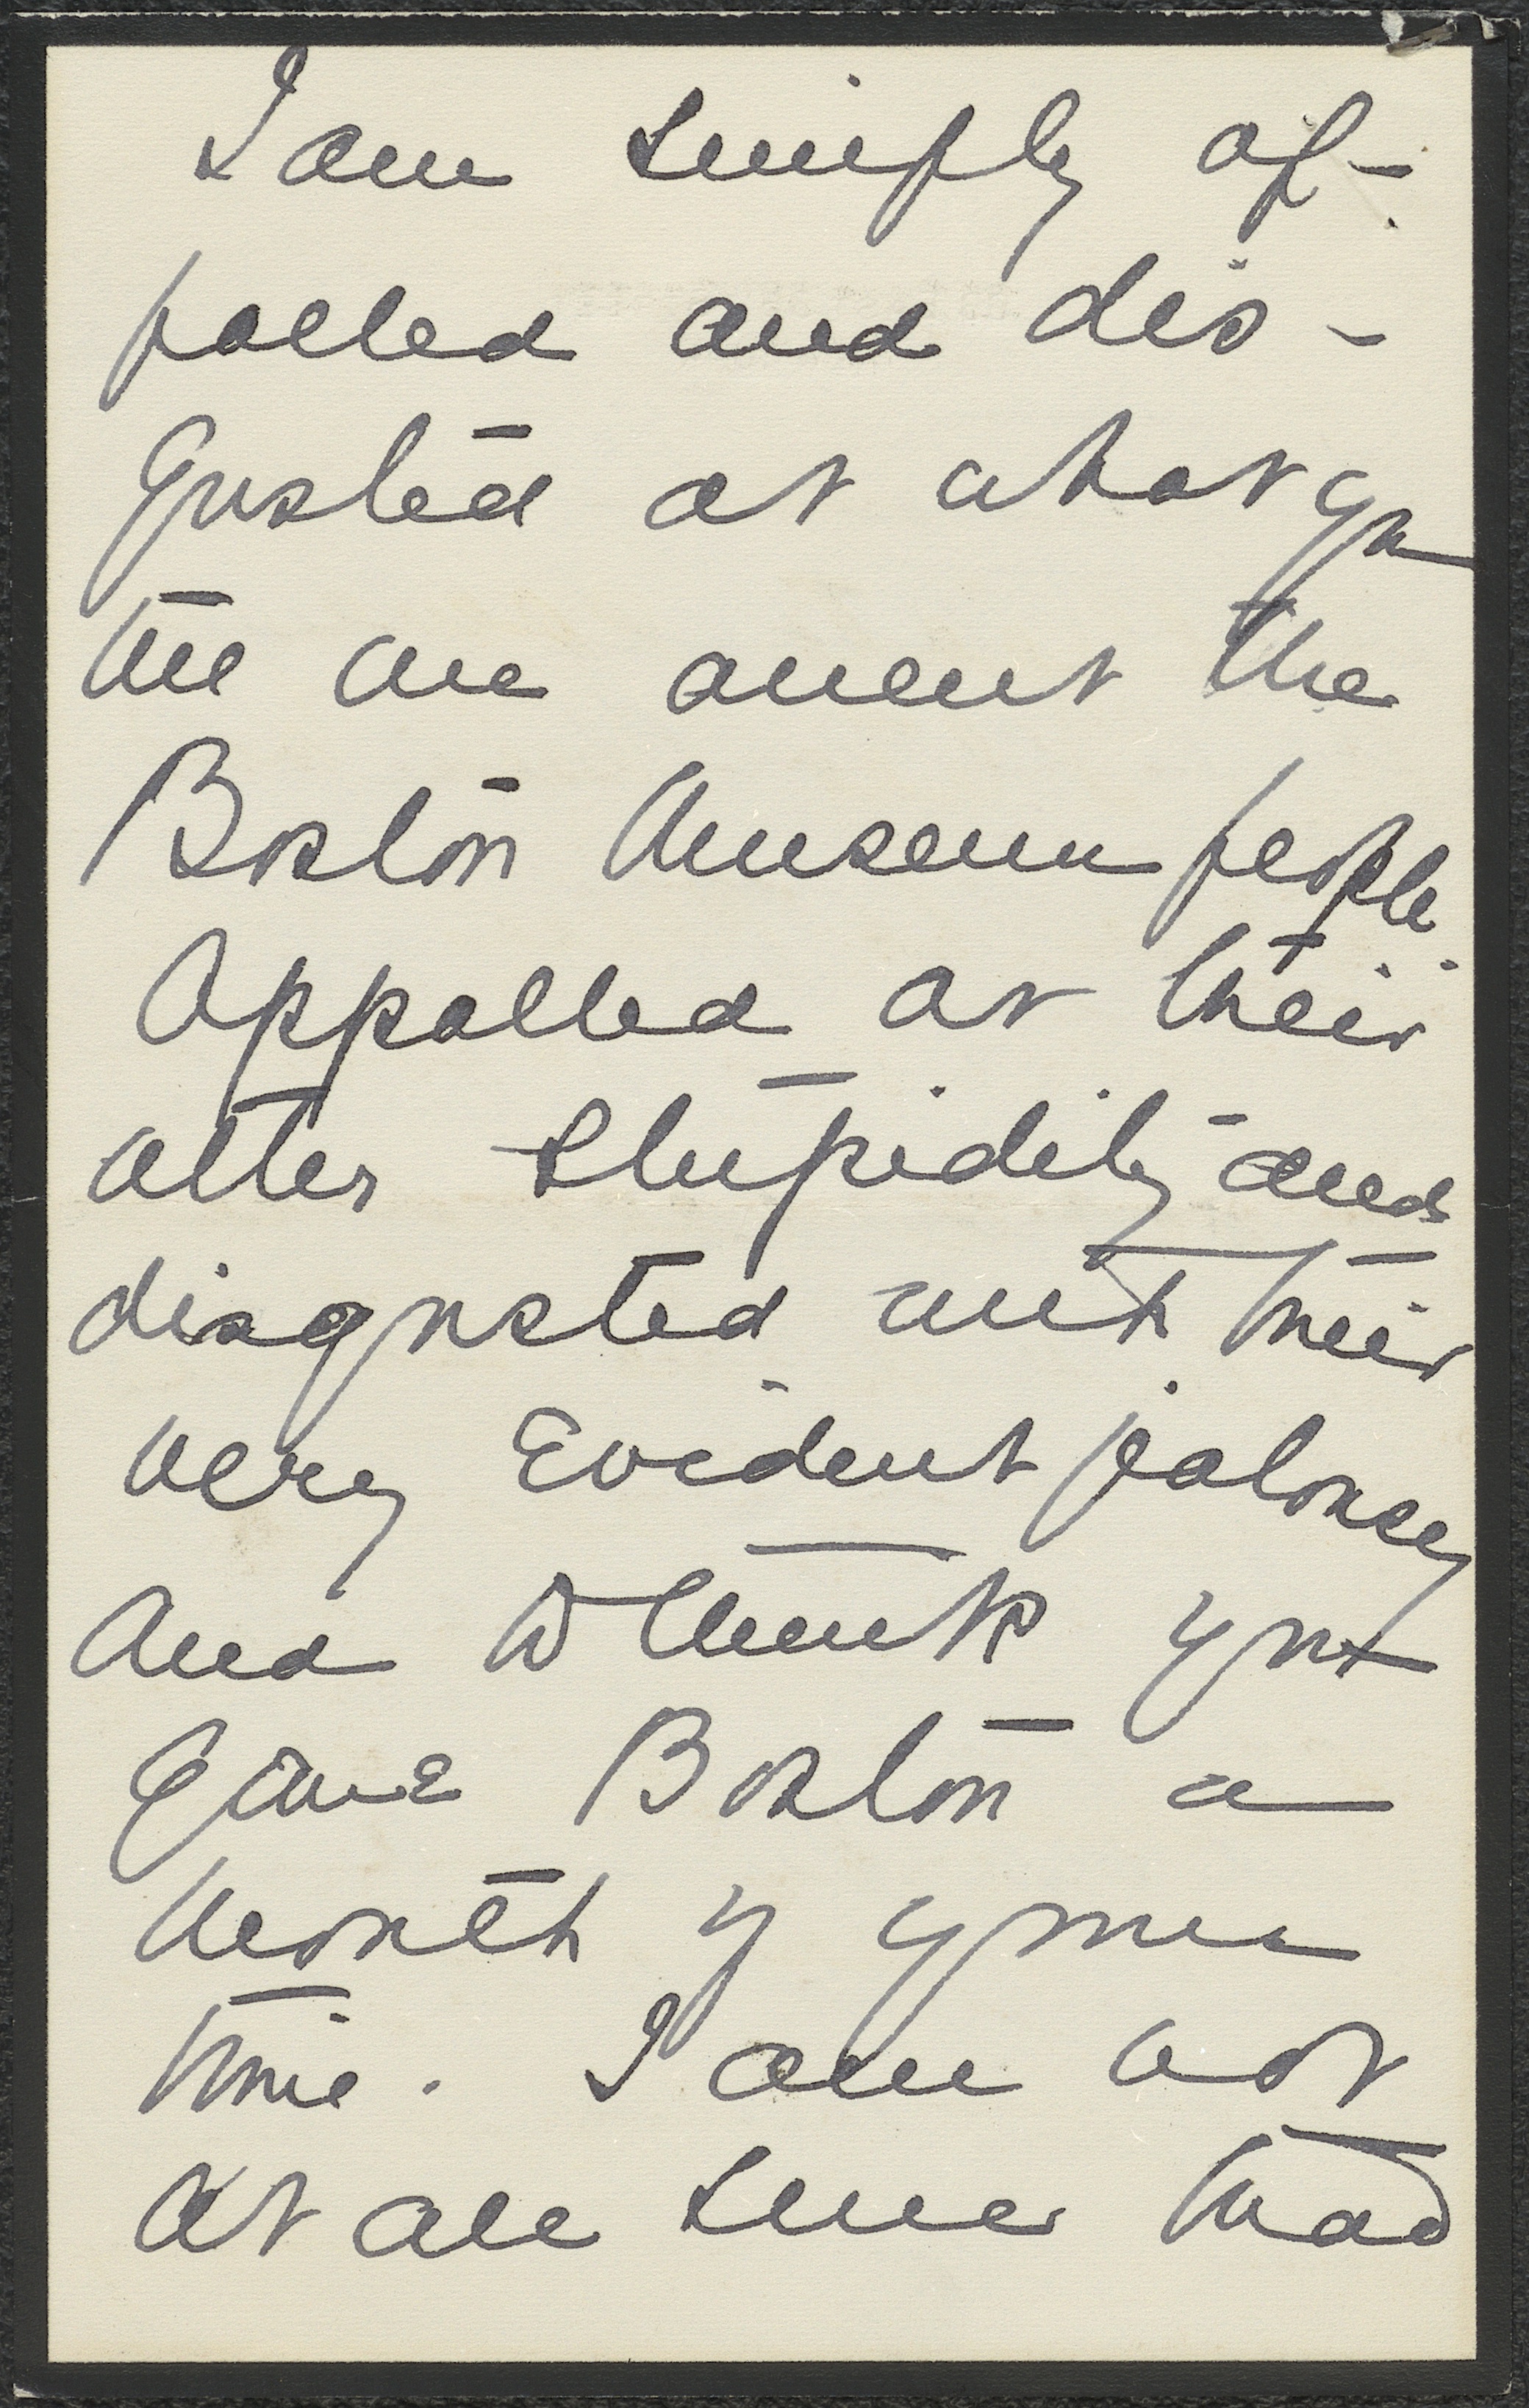I am simply appalled and disgusted at what you tell me anent the Boston Museum people. Appalled at their utter stupidity and disgusted with their very evident jealousy and to think you gave Boston a month of your time. I am not at all sure that